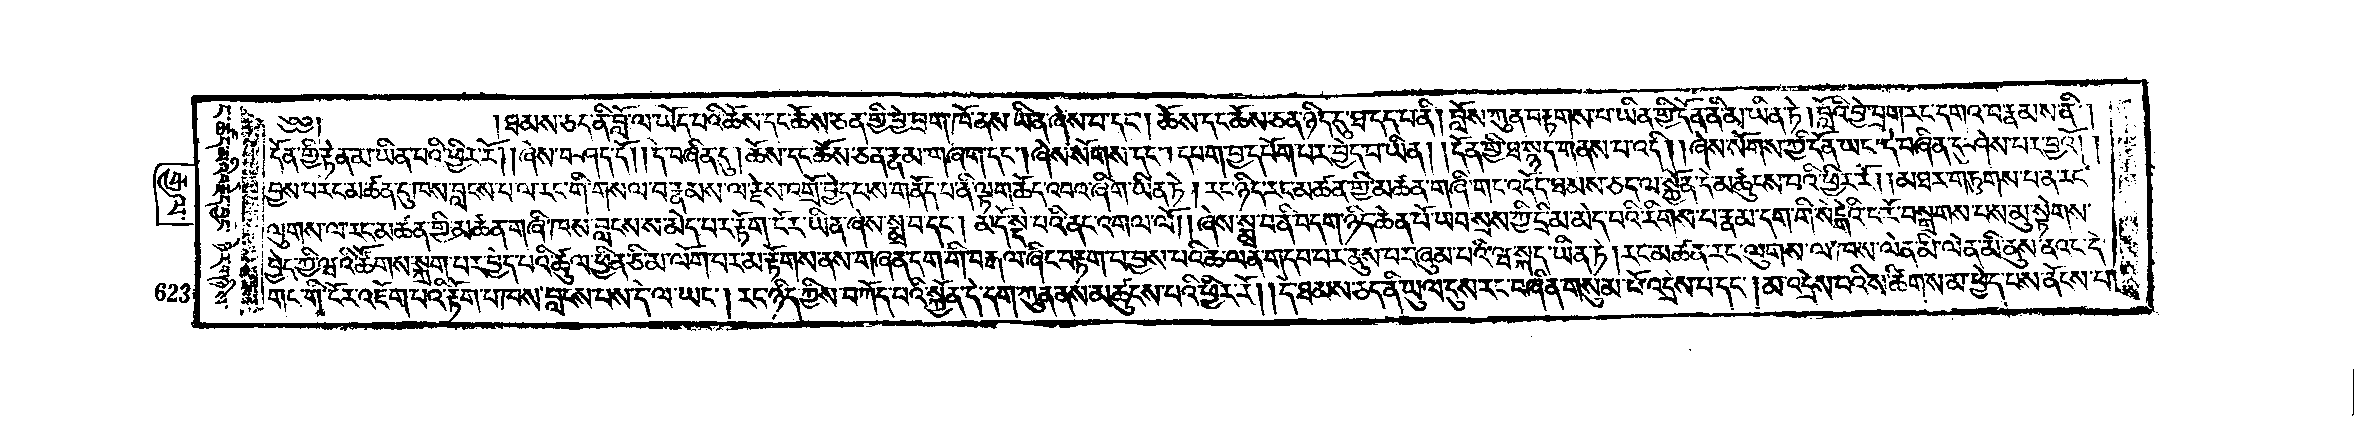༄༅། །ཐམས་ཅད་ནི་བློ་ལ་ཡོད་པའི་ཆོས་དང་ཆོས་ཅན་གྱི་བྱེད་བྲག་ཁོ་ནས་ཡིན་ཞེས་པ་དང་། ཆོས་དང་ཆོས་ཅན་ཉིད་དུ་ཐ་དད་པ་ནི། བློས་ཀུན་བརྟགས་པ་ཡིན་གྱི་དོན་ནི་མ་ཡིན་ཏེ། བློའི་བྱེ་བྲག་རང་དགའ་བ་རྣམས་ནི།
དོན་གྱི་རྟེན་མ་ཡིན་པའི་ཕྱིར་རོ། །ཞེས་བཤད་དོ། །དེ་བཞིན་དུ་ཆོས་དང་ཆོས་ཅན་རྣམ་གཞག་དང་། ཞེས་སོགས་དང་། དཔག་བྱ་དཔོག་པར་བྱེད་པ་ཡིན། །དོན་གྱི་ཐ་སྙད་གནས་པ་འདི། །ཞེས་སོགས་ཀྱི་དོན་ཡང་དེ་བཞིན་དུ་ཤེས་པར་བྱའོ། །
བྱས་པ་རང་མཚན་དུ་ཁས་བླངས་པ་ལ་རང་གི་གསལ་བ་རྣམས་ལ་རྗེས་འགྲོ་བྱེད་པས་གནོད་པ་ནི་ལྟ་ག་ཆོས་འབའ་ཞིག་ཡིན་ཏེ། རང་ཉིད་རང་མཚན་གྱིས་མཚན་གཞི་གང་འདོད་ཐམས་ཅད་ལ་སྐྱོན་དེ་མཚུངས་པའི་ཕྱིར་རོ། །མཐར་གཏུགས་པ་ན་རང་
ལུགས་ལ་རང་མཚན་གྱི་མཚན་གཞི་ཁས་བླངས་ས་མེད་པར་རྟོག་ངོར་ཡིན་ཞེས་སྨྲ་བ་དང་། མདོ་སྡེ་པའི་ནང་འགལ་ལོ། །ཞེས་སྨྲ་བ་ནི་བག་ཉིད་ཆེན་པོ་ཡབ་སྲས་ཀྱི་དྲི་མ་མེད་པའི་རིགས་པ་རྣམ་དག་གིས་སེངགེའི་ངའོ་བསྒྲགས་པས་མུ་སྟེགས་
བྱེད་ཀྱི་ཝའི་ཚོགས་སྐྲག་པར་བྱེད་པའི་ཚུལ་ཕྱིན་ཅི་མ་ལོག་པར་མ་རྟོགས་ནས་གཞན་དག་གི་བརྒལ་ཞིང་བརྟག་པ་བྱས་པའི་ཆ་ལན་གདབ་པར་ནུས་པར་ཞུམ་པའི་ཝ་སྐད་ཡིན་ཏེ། རང་མཚན་རང་ལུགས་ལ་ཁས་ལེན་མི་ལེན་མི་ནུས་ནའང་དེ་
གང་གི་ངོར་འཇོག་པའི་རྟོག་པ་ཁས་བླངས་པས་དེ་ལ་ཡང་། རང་ཉིད་ཀྱིས་བཀོད་པའི་སྐྱོན་དེ་དག་ཀུན་ནས་མཚུངས་པའི་ཕྱིར་རོ། །དེ་ཐམས་ཅད་ནི་ཡུལ་དུས་རང་བཞིན་གསུམ་པོ་འདྲེས་པ་དང་། མ་འདྲེས་པའི་ཚིགས་མ་ཕྱེད་པས་ནོངས་པ་